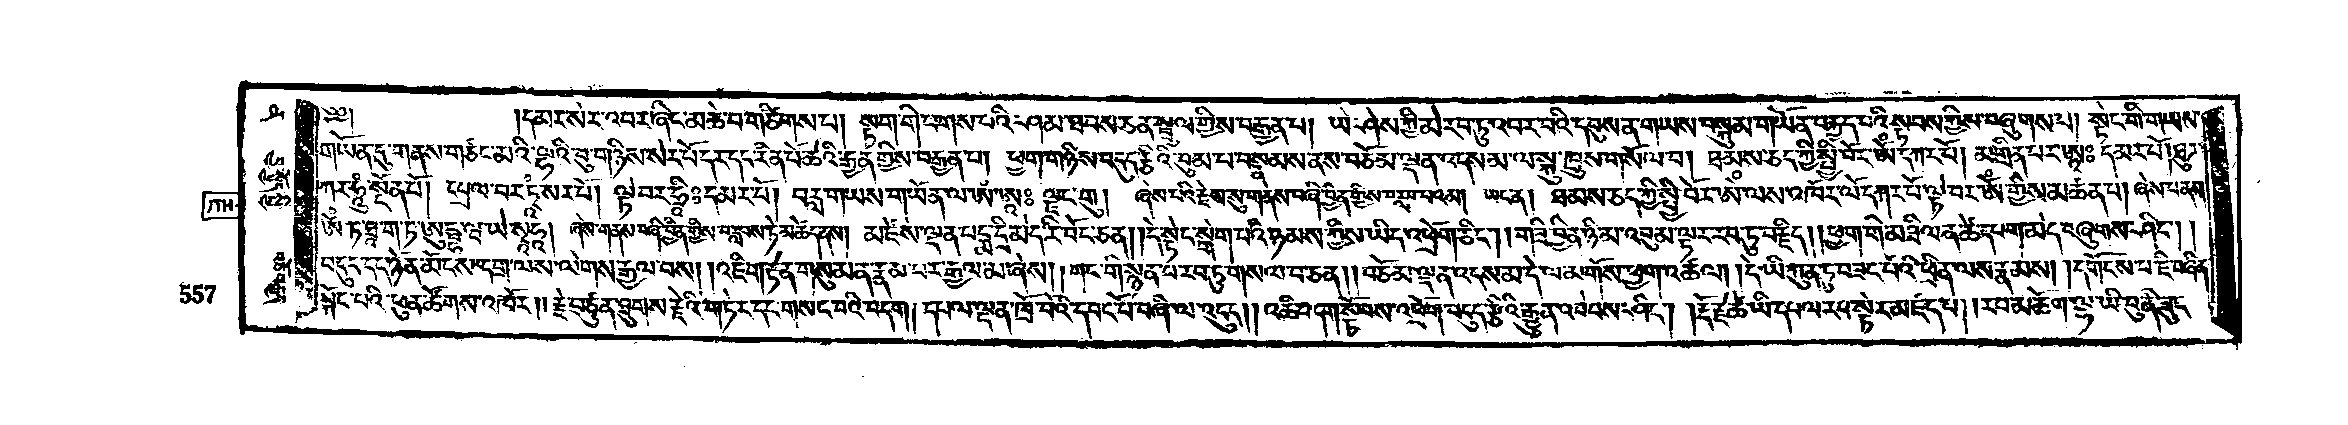༄༅། །དམར་སེར་འབར་ཞིང་མཆེ་བ་གཙིགས་པ། སྟག་གི་པགས་པའི་ཤམ་ཐབས་ཅན་སྦྲུལ་གྱིས་བརྒྱན་པ། ཡེ་ཤེས་ཀྱི་མེ་རབ་ཏུ་འབར་བའི་དབུས་ན་གཡས་བསྐུམ་གཡོན་བརྐྱངས་པའི་སྟབས་ཀྱིས་བཞུགས་པ། སྟེང་གི་གཡས་
གཡོན་དུ་གནས་གཙང་མའི་ལྷའི་བུ་གཉིས་སེར་པོ་དར་དང་རིན་པོ་ཆེའི་རྒྱན་གྱིས་བརྒྱན་པ། ཕྱག་གཉིས་བདུད་རྩིའི་བུམ་པ་བསྣམས་ནས་བཅོམ་ལྡན་འདས་མ་ལ་སྐུ་ཁྲུས་གསོལ་བ། ཐམས་ཅད་ཀྱི་སྤྱི་བོར་ཨོཾ་དཀར་པོ། མགྲིན་པར་ཨཱཿ དམར་པོ། ཐུགས་
ཀར་ཧཱུཾ་སྔོན་པོ། དཔྲལ་བར་ཏྲཱཾ་སེར་པོ། ལྟེ་བར་ཧྲཱིཿ དམར་པོ། བརླ་གཡས་གཡོན་ལ་ཨཾ་ཨཱཿ ལྗང་གུ ། ཞེས་པའི་རྗེས་སུ་གནས་བཞི་བྱིན་གྱིས་བརླབ་པའམ། ཡང་ན། ཐམས་ཅད་ཀྱི་སྤྱི་བོར་ཨོཾ་ལས་འཁོར་ལོ་དཀར་པོ་ལྟེ་བར་ཨོཾ་གྱིས་མཚན་པ། ཞེས་པ་ནས།
ཨོཾ་ཏ་ཐཱ་ག་ཏ་ཨུདབྷ་ཝ་ཡེ་སྭཱཧཱ། ཞེས་གནས་བཞི་བྱིན་གྱིས་བརླབས་ཏེ་མཆོད་ནས། མཛེས་ལྡན་པདམ་དྲི་མེད་རི་བོང་ཅན། །དེ་སྟེང་སྒེག་པའི་ཉམས་ཀྱིས་ཡིད་འཕྲོག་ཅིང་། །གཟི་བྱིན་ཉི་མ་འབུམ་ལྟར་རབ་ཏུ་བརྗིད། །ཕྱག་གི་མཐིལ་ན་ཆེ་དཔག་མེད་བཞུགས་ཤིང་། །
བདུད་དང་ཉོན་མོངས་དགྲ་ལས་ལེགས་རྒྱལ་བས། །འཇིག་རྟེན་གསུམ་ན་རྣམ་པར་རྒྱལ་མ་ཞེས། །གང་གི་སྙན་པ་རབ་ཏུ་གསལ་བ་ཅན། །བཅོམ་ལྡན་འདས་མ་དེ་ལ་མགོས་ཕྱག་འཚལ། །དེ་ཡི་ཀུན་ཏུ་བཟང་པོའི་ཕྲིན་ལས་རྣམས། །དགོངས་པ་ཇི་བཞིན་
སྐོང་པའི་ཕུན་ཚོགས་འཁོར། །རྗེ་བཙུན་ཐུགས་རྗེའི་གཏེར་དང་གསང་བའི་བདག །དཔལ་ལྡན་ཁྲོ་བོའི་དབང་པོ་བཞི་ལ་འདུད། །འཆི་བདག་སྟོབས་འབྲོག་བདུད་རྩིའི་རྒྱུན་འབེབས་ཤིང་། །རྡོ་རྗེ་ཚེ་ཡི་དཔལ་རབ་སྟེར་མཛད་པ། །རབ་མཆོག་ལྷ་ཡི་བུ་ནི་ཟུང་